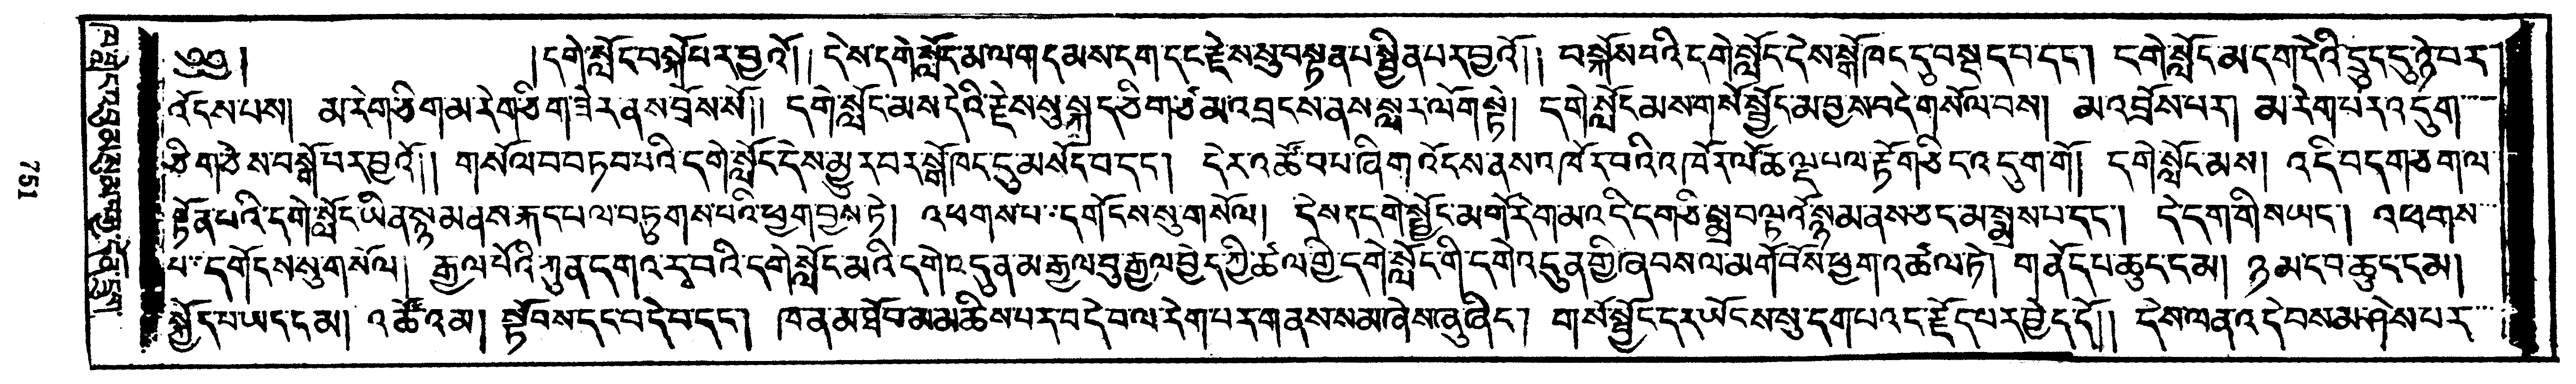༄༅། །དགེ་སློང་བསྐོ་པར་བྱའོ། །དེས་དགེ་སློང་མ་ལ་གདམས་ངག་དང་རྗེས་སུ་བསྟན་པ་སྦྱིན་པར་བྱའོ།། བསྐོས་པའི་དགེ་སློང་དེས་སྒོ་ཁང་དུ་བསྡད་པ་དང་། དགེ་སློང་མ་དག་དེའི་དྲུང་དུ་ཉེ་བར་
འོངས་པས། མ་རེག་ཅིག་མ་རེག་ཅིག་ཟེར་ནས་བྲོས་སོ།། དགེ་སློང་མས་དེའི་རྗེས་སུ་སྐད་ཅིག་ཙམ་འབྲངས་ནས་སླར་ལོག་སྟེ། དགེ་སློང་མས་གསོ་སྦྱོད་མ་བྱས་བདེ་གསོལ་བས། མ་འབྲོས་པར། མ་རེག་པར་འདུག་
ཅིག་ཅེས་བསྒོ་པར་བྱའོ།། གསོལ་བ་བཏབ་པའི་དགེ་སློང་དེས་མྱུར་བར་སྒོ་ཁང་དུ་མ་སོང་བ་དང་། དེར་འཚོ་བ་པ་ཞིག་འོངས་ནས་འཁོར་བའི་འཁོར་ལོ་ཆ་ལྔ་པ་ལ་རྟོག་ཅིང་འདུག་གོ། དགེ་སློང་མས། འདི་བདག་ཅག་ལ་
སྟོན་པའི་དགེ་སློང་ཡིན་སྙམ་ནས་རྐང་པ་ལ་བཏུགས་པའི་ཕྱག་བྱས་ཏེ། འཕགས་པ༑ དགོངས་སུ་གསོལ། དེས་དད་གེ་སྤྱོང་མགོ་རེག་མ་འདི་དག་ཅི་སྨྲ་བལྟའོ་སྙམ་ནས་ཅང་མ་སྨྲས་པ་དང་། དེ་དག་གིས་ཡང་། འཕགས་
པ༑ དགོངས་སུ་གསོལ། རྒྱལ་པོའི་ཀུན་དགའ་རྭ་བའི་དགེ་སློང་མའི་དགེ་འདུན་མ་རྒྱལ་བུ་རྒྱལ་བྱེད་ཀྱི་ཚལ་གྱི་དགེ་སློང་གི་དགེ་འདུན་གྱི་ཞབས་ལ་མགོ་བོས་ཕྱག་འཚལ་ཏེ། གནོད་པ་ཆུང་ངམ། ཉམ་དབ་ཆུང་ངམ།
སྐྱོད་པ་ཡང་ངམ། འཚོའམ། སྟོབས་དང་བདེ་བ་དང་། ཁ་ན་མ་ཐོབ་མ་མཆིས་པར་བདེ་བ་ལ་རེག་པར་གནས་སམ་ཞེས་ཞུ་ཞིང་། གསོ་སྦྱོང་དར་ཡོངས་སུ་དག་པའང་རྗོད་པར་བྱེད་དོ།། དེས་ལན་འདེབས་མ་ཤེས་པར་